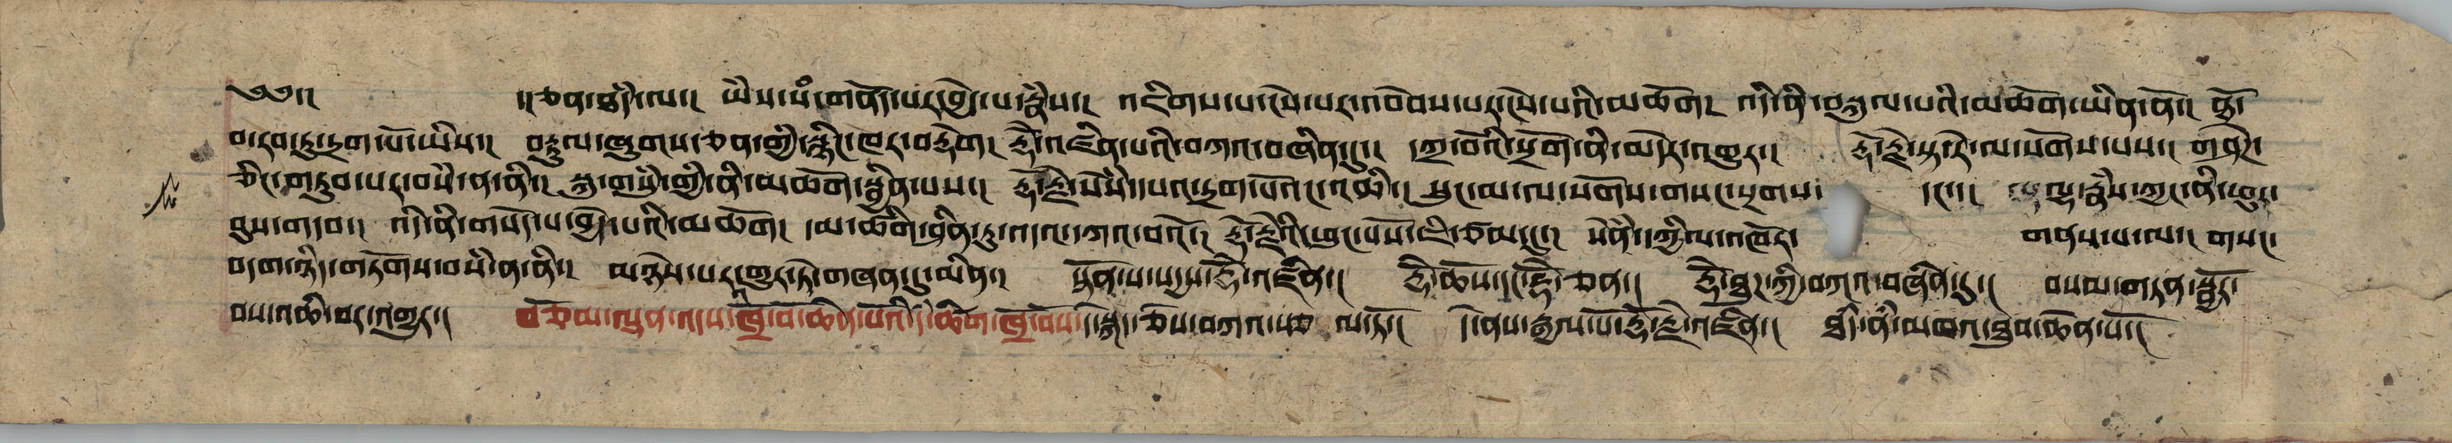༄༅་། ་།ཅན་ཐཾད་ལ་། ཡཾས་སཾ་གནོད་པར་བྱེད་པ་རྣཾས་། འཇིགས་པ་ངེས་པར་འབེབས་པར་ངེས་པའི་མཆོག། འདི་ནི་བསྐུལ་པའི་མཆོག་ཡིན་ནོ་། ཐོ་
བ་རབ་ཏུ་དྲག་པོ་ཡིས་། བརྟུལ་ཞུགས་ཅན་གྱི་སྙིང་ཁར་བརྡེག། རྡོེ་འཛིན་པའི་བཀའ་བཞིན་དུ་། དགྲ་བོའི་སྲོག་ནི་མདེར་འགྱུར་། རྡོ་རྗེ་སྟ་རེ་ལ་སོགས་པས་། གཤེཌ་
ཅིང་གཏུབ་པར་བསཾ་ན་ནི་། སྐུ་གསུཾ་གྱི་ནི་མཆོག་སྦྱིན་པས་། རྡོ་རྗེ་སེཾས་དཔའ་དྲག་པོའང་འཆི་། སྲུང་མ་ལ་སོགས་གསང་སྔགས་ དང་་། ལྷ་རྣཾས་ཀྱང་ནི་ཕུར་
བུས་གདབ་། འདི་ནི་གསོད་པ་བྱེད་པའི་མཆོག། དམ་ཚིག་ཤིན་ཏུ་འདའ་དཀའ་བའོ་། རྡོ་རྗེའི་ཕུང་པོས་ཇི་ཙམ་དུ་། སེནཾ་དཀྱིལ་འཁོར་ གནས་པ་ལ་། གསང་
བདག་ཉིད་གཏོགས་བསཾ་ན་ནི་། མཉེས་པར་གྱུར་ཏེ་གཞན་དུ་མིན་། སྟོན་པ་སདྱས་རྡོེ་འཛིན་། རྡོེ་ཆོས་དང་རྡོེ་ཅན་། རྡོེ་ཐུཌ་ཀྱི་བཀའ་བཞིན་དུ་། བསམ་གཏན་སྦྱོར་
བས་འཆི་བར་འགྱུར་། བཅོམ་ལྡན་འདས་ཁྲོ་བོ་ཆེན་པོའི་དཾ་ཚིག་ཁྲོ་བོས་དེ་སྐད་ཅེས་བཀའ་སྩ ལ་ཏོ་། དེ་ནས་རྒྱལ་པོ་རྡོ་རྗེ་འཛིན་། ཐཾད་ནཾ་མཁའ་ཐུབ་ཆེན་པོ་།